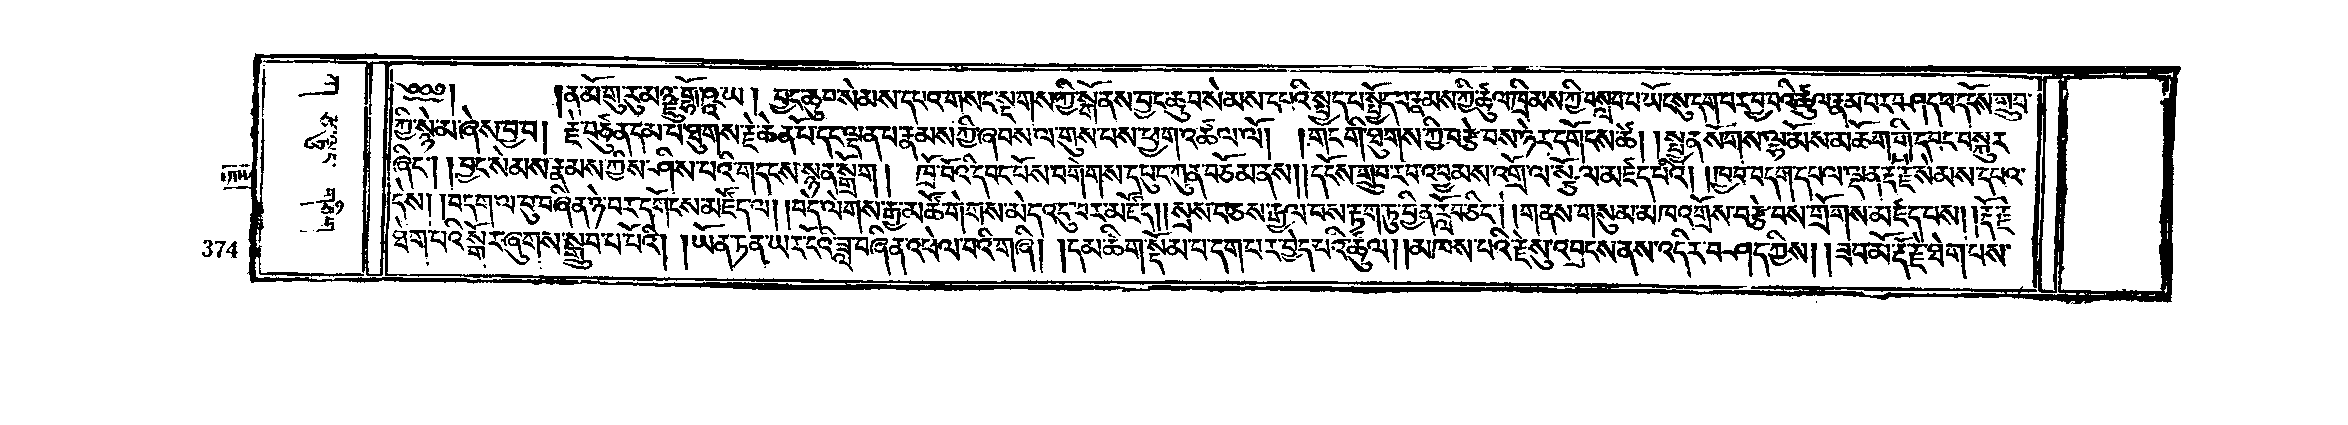༄༅༅། །ན་མོ་གུ་རུ་མཉྫུ་གྷོ་ཥཱ་ཡ། བྱང་ཆུབ་སེམས་དཔའ་གསང་སྔགས་ཀྱི་སྒོ་ནས་བྱང་ཆུབ་སེམས་དཔའི་སྤྱད་པ་སྤྱོད་པ་རྣམས་ཀྱི་ཚུལ་ཁྲིམས་ཀྱི་བསླབ་པ་ཡོངས་སུ་དག་པར་བྱ་བའི་ཚུལ་རྣམ་པར་བཤད་ཕ་དངོས་གྲུབ་
ཀྱི་སྙེ་མ་ཞེས་བྱ་བ། རྗེ་བཙུན་དམ་པ་ཐུགས་རྗེ་ཆེན་པོ་དང་ལྡན་པ་རྣམས་ཀྱི་ཞབས་ལ་གུས་པས་ཕྱག་འཚལ་ལོ། །གང་གི་ཐུགས་ཀྱི་བརྩེ་བས་ཉེར་དགོངས་ཚེ། །སྤྱན་སོགས་ལྷ་མོས་མཆོག་གི་དབང་བསྐུར་
ཞིང་། །བྱང་སེམས་རྣམས་ཀྱིས་ཤིས་པའི་གདངས་སྙན་སྒྲོག །ཁྲོ་བོའི་དབང་པོས་བགེགས་དཔུང་ཀུན་བཅོམ་ནས། །དངོས་གྲུབ་རབ་འབྱམས་འགྲོ་ལ་སྩོལ་མཛད་པའི། །ཁྱབ་བདག་དཔལ་ལྡན་རྡོ་རྗེ་སེམས་དཔའ་
དེས། །བདག་ལ་བུ་བཞིན་ཉེ་བར་དགོངས་མཛོད་ལ། །བདེ་ལེགས་རྒྱ་མཚོ་གེགས་མེད་འདུ་བར་མཛོད། །སྲས་བཅས་རྒྱལ་བས་རྟག་ཏུ་བྱིན་རློབ་ཅིང་། །གནས་གསུམ་མཁའ་གྲོས་བརྩེ་བས་གྲོགས་མཛད་པས། །རྡོ་རྗེ་
ཐེག་པའི་སྒོར་ཞུགས་སྒྲུབ་པ་པོའི། །ཡོན་ཏན་ཡར་ངོའི་ཟླ་བཞིན་འཕེལ་བའི་གཞི། །དམ་ཚིག་སྡོམ་པ་དག་པར་བྱེད་པའི་ཚུལ། །མཁས་པའི་རྗེས་སུ་འབྲངས་ནས་འདིར་བཤད་ཀྱིས། །ཟབ་མོ་རྡོ་རྗེ་ཐེག་པས་